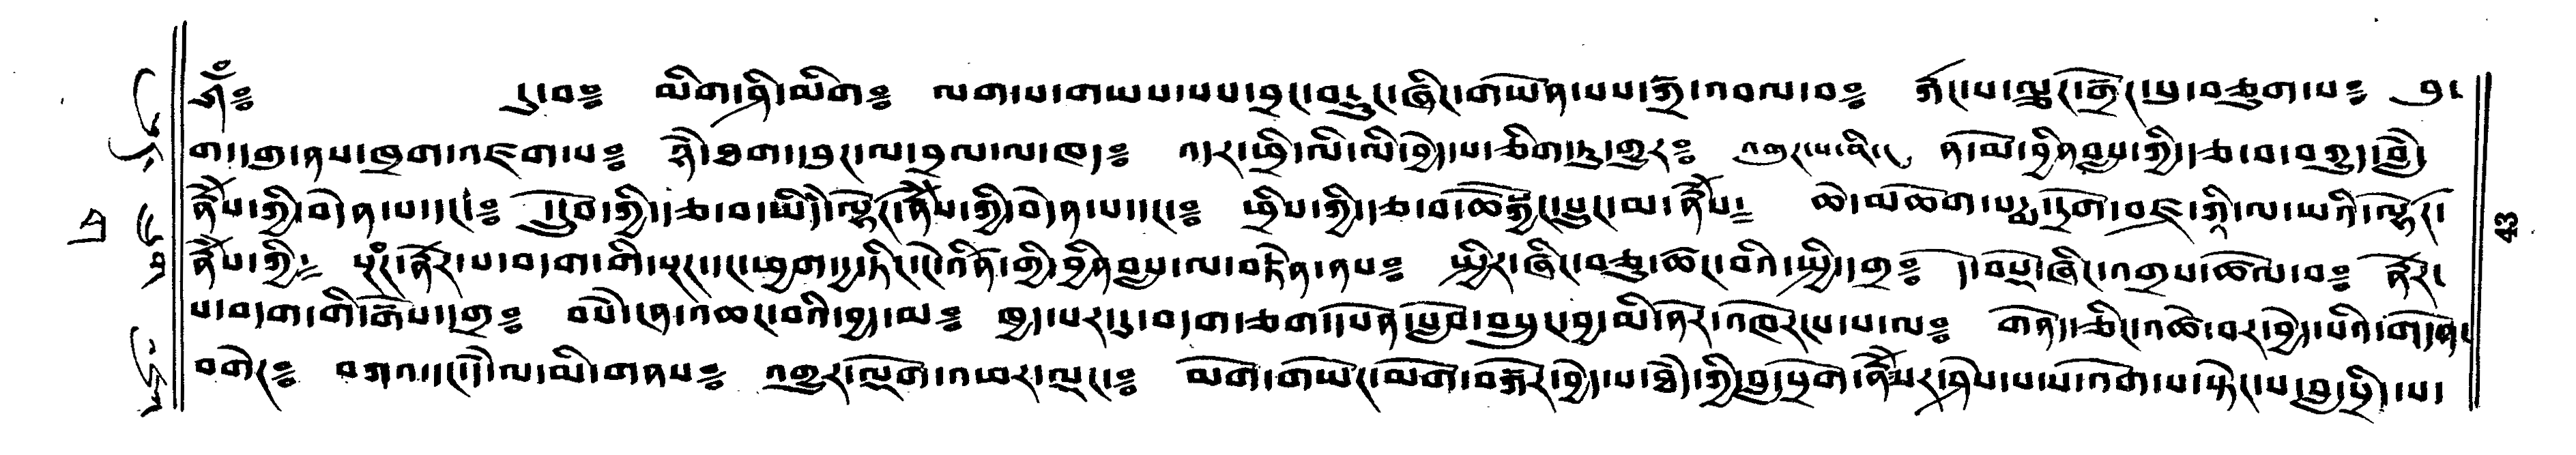བ༔ མིག་ཤི་མིག༔ ལག་པ་གཡས་པས་བྲང་བརྡུང་ཞིང་གཡོན་པས་སྐྲ་འབལ་བ༔ རྐང་པ་ལྕགས་སྒྲོགས་སུ་བཅུག་པ༔ བུ་
ག་དགུ་ནས་ཁྲག་འཛག་པ༔ ཉམ་ཐག་དབུགས་དང་བྲལ་ལ་ཁད་འདར་ཕྲི་ལི་ལི་བྱེད་པ་ཅིག་ཏུ་གྱུར༔ འགུགས་པ་ནི། ན་མོ༔བྱིན་རླབས་ཀྱི་རྩ་བ་བཀའ་རྒྱུད་བླ་མ་
རྣམས་ཀྱི་བདེན་པ་དང༔ དངོས་གྲུབ་ཀྱི་རྩ་བ་ཡི་དམ་ལྷ་ཚོགས་རྣམས་ཀྱི་བདེན་པ་དང༔ ཕྲིན་ལས་ཀྱི་རྩ་བ་ཆོས་སྐྱོང་སྲུང་མ་རྣམས༴ ཆེ་མཆོག་པདྨ་དྲག་པོ་བཛྲ་ཀཱི་ལ་ཡའི་ལྷ་ཚོགས་
རྣམས་ཀྱི༴ སྔགས་འཆང་རྣལ་འབྱོར་པ་བདག་གི་སྔགས་དང་ཕྱག་རྒྱ་ཏིང་ངེ་འཛིན་གྱི་བྱིན་རླབས་ལ་བརྟེན་ནས༔ སྤྱིར་ཞིང་བཅུ་ཚང་བའི་སྤྱི་དགྲ༔ དོ་བསྡོ་ཞིང་འགྲས་འཚོལ་བ༔ རྣལ་འབྱོར་
པ་བདག་གི་སྒོས་དགྲ༔ བསམ་ངན་འཆང་བའི་བྱད་མ༔ ཁྱད་པར་དུ་བདག་ཅག་དཔོན་སློབ་བསྲུང་བྱ་མི་ནོར་འཁོར་དང་བཅས་པ་ལ༔ གནོད་ཅིང་འཚེ་བར་བྱེད་པའི་གདོན་
བགེགས༔ བཀའ་དང་དམ་ལ་མི་གནས༔ འགྱུར་ལྡོག་འཕར་ལྡང་མགོ་གཡོགས་མགོ་བསྐོར་བྱེད་པ་ཐམས་ཅད་ཀྱི་བླ་སྲོག་རྣམ་པར་ཤེས་པ་ས་འོག་ས་སྟེང་ས་བླ་སྲིད་པ་